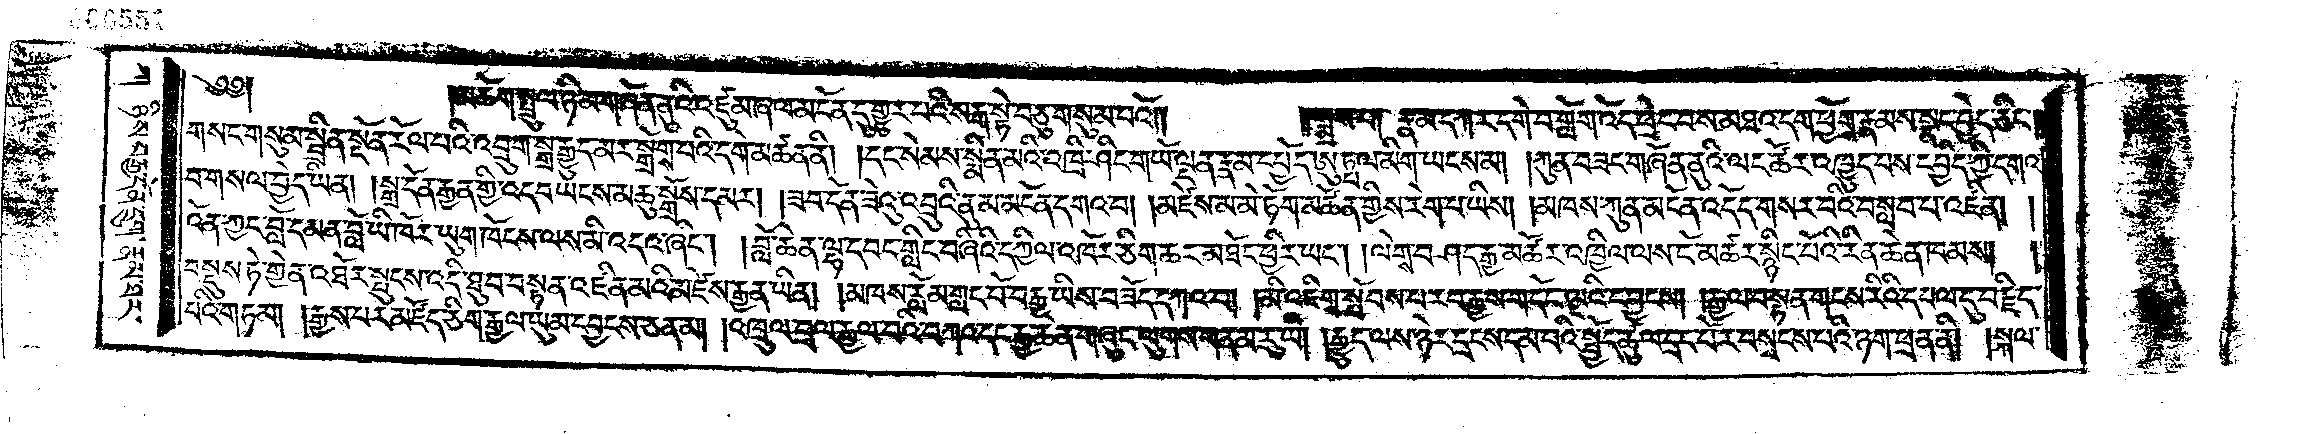༄༅། །མཆོག་སྤྲུལ་ཉི་མ་གཞོན་ནུའི་འཛུམ་ཞལ་མངོན་དུ་གྱུར་པའི་སྒྲ་སྟེ་བཅུ་གསུམ་པའོ།། །།སྨྲས་པ། རྣམ་དཀར་དགེ་བ་གློག་འོད་ཕྲེང་བས་མཐའ་དག་ཕྱོགས་རྣམས་སྣང་བྱེད་ཅིང་།
གསང་གསུམ་སྤྲིན་སྔོན་རོལ་པའི་འབྲུག་སྒྲ་རྒྱུད་མར་སྒྲོགས་པའི་དགེ་མཚན་ནི། །དང་སེམས་སྨིན་མའི་འཁྲི་ཤིང་གཡོ་ལྡན་རྣམ་དཔྱོད་ཨུཏྤ་ལ་མིག་ཡངས་མ། །ཀུན་བཟང་གཞོན་ནུའི་ལང་ཚོར་འཁྱུད་པས་དཔྱིད་ཀྱི་དགའ་
བ་གསལ་བྱེད་ཡིན། །སྒྲ་དོན་རྒྱན་གྱི་འདབ་ཡངས་མཆུ་སྒྲོས་དམར། །ཟབ་དོན་ཟེའུ་འབྲུའི་ནུ་མ་མངོན་དགའ་བ། །མཛེས་མ་མེ་ཏོག་མཚོན་གྱིས་རེག་པ་ཡིས། །མཁས་ཀུན་མངོན་འདོད་གསར་བའི་བསླབ་པ་འཛིན། །
འོན་ཀྱང་བློ་དམན་བློ་ཡི་ཁོར་ཡུག་ཁོངས་ལས་མི་འདའ་ཞིང་། །བློ་ཆེན་ལྷ་དབང་གླིང་བཞིའི་དཀྱིལ་འཁོར་ཅིག་ཆར་མཐོང་ཕྱིར་ཡང་། །ལེགས་བཤད་རྒྱ་མཚོར་འཁྱིལ་ལས་ངོ་མཚར་སྙིང་པོའི་རིན་ཆེན་ཁམས། །
བསྡུས་ཏེ་གྱེན་འཐོར་སྤུངས་འདི་ཐུབ་བསྟན་འཛིན་མའི་མཛེས་རྒྱན་ཡིན། །མཁས་རློམ་གླང་པོ་བརྒྱ་ཡིས་བཟོད་དཀའ་བ། །མི་འཇིགས་སྤོབས་པ་རབ་རྒྱས་གདོང་ལྔའི་དབྱངས། །རྒྱལ་བསྟན་གངས་རིའི་དཔལ་དུ་བརྗིད་
པའི་གཏམ། །རྒྱས་པར་མཛོད་ཅིག་རྒྱལ་ཡུམ་དབྱངས་ཅན་མ། །འཁྲུལ་བྲལ་རྒྱལ་བའི་བཀའ་དང་རྒྱ་ཆེན་གཞུང་ལུགས་གནམ་རུ་ཡི། །རྒྱུད་ལས་ཉེར་དྲངས་དམ་པའི་སྤྱོད་ཚུལ་དྲང་པོར་བསྲངས་པའི་ཉག་ཕྲན་ནི། །སྐལ་